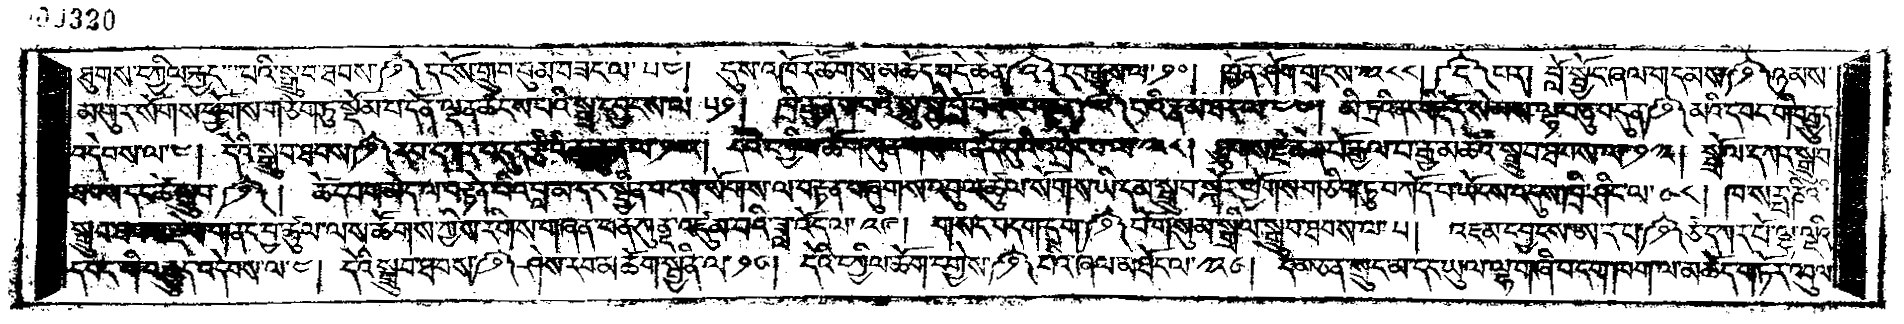ཐུགས་དཀྱིལ་རྐྱང་བའི་སྒྲུབ་ཐབས ༼༡༽ དངོས་གྲུབ་བུམ་བཟང་ལ ༥༤། དུས་འཁོར་ཚོགས་མཆོད་བདེ་ཆེན ༼༢༽ རབ་རྒྱས་ལ ༡༠། ཁྱོན་ཤོག་གྲངས ༣༨༨། ༼ང༽ བར། བློ་སྦྱོང་ཞལ་གདམས ༼༡༽ ཉམས་
མགུར་སོགས་ཕྱོགས་གཅིག་ཏུ་སྡོམ་པ་དོན་ལྡན་ཚངས་པའི་སྒྲ་དབྱངས་ལ ༥༡། ཁྲི་རྒྱ་ནག་པའི་སྐུ་སྐྱེ་བློ་བཟང་བསྟན ༼༣༽ པའི་རྣམ་ཐར་ལ ༤༤། མི་ཏྲའི་ནང་གི་རྡོར་སེམས་ལྷ་བཅུ་བདུན ༼༡༽ མའི་དབང་གི་བརྒྱུད་
བདེབས་ལ ༤། དེའི་སྒྲུབ་ཐབས ༼༡༽ རབ་དཀར་བདུད་རྩིའི་ཆུ་རྒྱུན་ལ ༡༣། དེའི་དཀྱིལ་ཆོག་ཀུན་གསལ་ནོར་བུའི་འཕྲེང་བ་ལ ༣༨། ཐུགས་རྗེ་ཆེན་པོ་རྒྱལ་པ་རྒྱ་མཚོའི་སྒྲུབ་ཐབས་ལ ༡༣། སྒྲོལ་དཀར་སྒྲུབ་
ཐབས་དང་ཚེ་སྒྲུབ ༼༡༽ །ཚེ་དཔག་མེད་ལ་བརྟེན་པའི་བླ་མ་དང་སྦྱིན་བདག་སོགས་ལ་བརྟན་བཞུགས་འབུལ་ཚུལ་སོགས་ཡི་དམ་སྒྲུབ་སྐོར་ཕྱོགས་གཅིག་ཏུ་བཀོད་པ་ཡོངས་འདུས་ཁྲི་ཤིང་ལ ༤༨། ཁ་སརྦ་ཎིའི་
སྒྲུབ་ཐབས་རྗེས་གནང་བྱ་ཚུལ་ལས་ཚོགས་ཀྱིས་རིགས་གཞན་ཕན་ཀུནྡ་འཛུམ་བའི་ཟླ་འོད་ལ ༢༩། གསང་བདག་དྲག ༼༡༽ པོ་གསུམ་སྒྲིལ་སྒྲུབ་ཐབས་ལ ༥། འཇམ་དབྱངས་ཨ་ར་པ ༼༡༽ ཙ་དཀར་པོ་ལྷ་ལྔའི་
དབང་གི་བརྒྱུད་འདེབས་ལ ༤། དེའི་སྒྲུབ་ཐབས ༼༡༽ ཤེས་རབ་མཆོག་སྦྱིན་ལ ༡༦། དེའི་དཀྱིལ་ཆོག་དགྱེས ༼༡༽ བའི་ཞལ་མཐོང་ལ ༣༦། དམ་ཅན་སྲུང་མ་དང་ཡུལ་ལྷ་གཞི་བདག་ཁག་ལ་མཆོད་གཏོར་འབུལ་